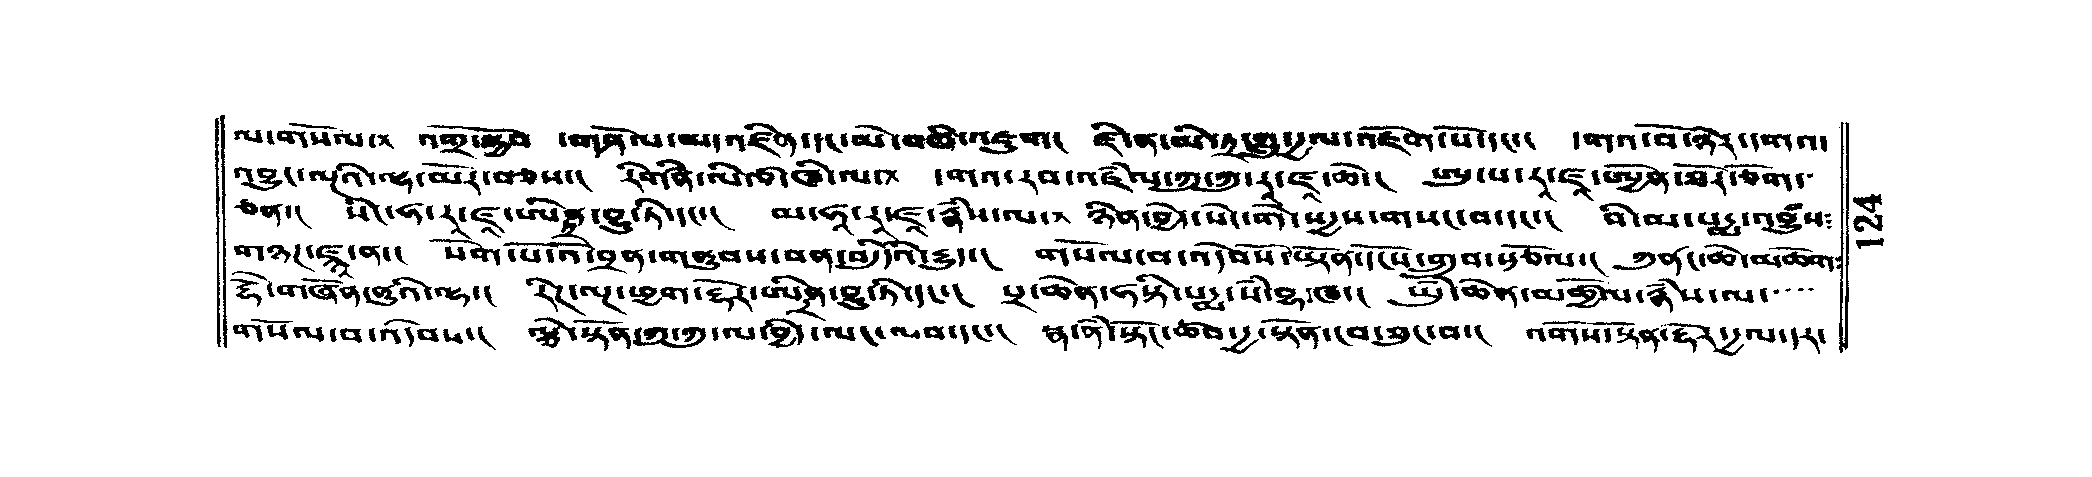ལ་གསོལ༴ །འགྲོ་སྐྱོབ་གཤོལ་མ་འཛིན་དང་མེ་བཞི་འཇུག །ཛི་ན་མི་ཏྲ་གླུ་རྒྱལ་འཇོག་པོ་དང་། །དགའ་བོ་ཉེར་དགའ་
འབྱུང་ལྔའི་ལྷ་མོར་བཅས། །རིག་འཛིན་ལི་ཙ་ཝི་ལ༴།དགའ་རབ་འཇམ་དཔལ་ཀུ་ཀུ་རཱ་ཛཱ་ཆེ། །ཨུ་པ་རཱ་ཛཱ་ཨོ་རྒྱན་ཐོར་ཅོག་
ཅན། །སིང་ཧ་རཱ་ཛཱ་ཨིནྟྲ་བྷུ་ཏི་དང་། །མ་ཧཱ་རཱ་ཛཱ་རྣམས་ལ༴ །ཉིན་བྱེད་སེང་གེ་སངས་རྒྱས་གསང་བ་དང་། །བི་མ་པདྨ་འབྱུང་གནས་
གཉགས་ཛྙཱ་ན། །སོག་པོ་འོ་བྲན་གནུབས་བན་བདུད་རྩིའི་རྒྱུད། །གསོལ་བ་འདེབས་སོ་ཡོན་ཏན་དངོས་གྲུབ་སྩོལ། །ཀུན་བཟང་ཆེ་མཆོག་
རྡོ་རྗེ་གཞོན་ནུའི་ལྷ། །རིགས་ལྔ་ཕྱག་རྡོར་ཨིནྡྲ་བྷུ་ཏི་དང་། །པྲ་ཆེན་ཧསྟི་པདྨ་སམ་བྷ་ཝ། །ཡུམ་ཆེན་མཚོ་རྒྱལ་རྣམས་ལ་
གསོལ་བ་འདེབས། །ལྕེ་སྟོན་ཀུ་ཀུ་ལ་བྱེད་ལང་ལབ་དང་། །སྣ་ནམ་སྟོང་ཚབ་རྒྱ་སྟོན་ངབ་ཐུང་བ། །འགོས་སྟོན་རྡོར་རྒྱལ་དར་